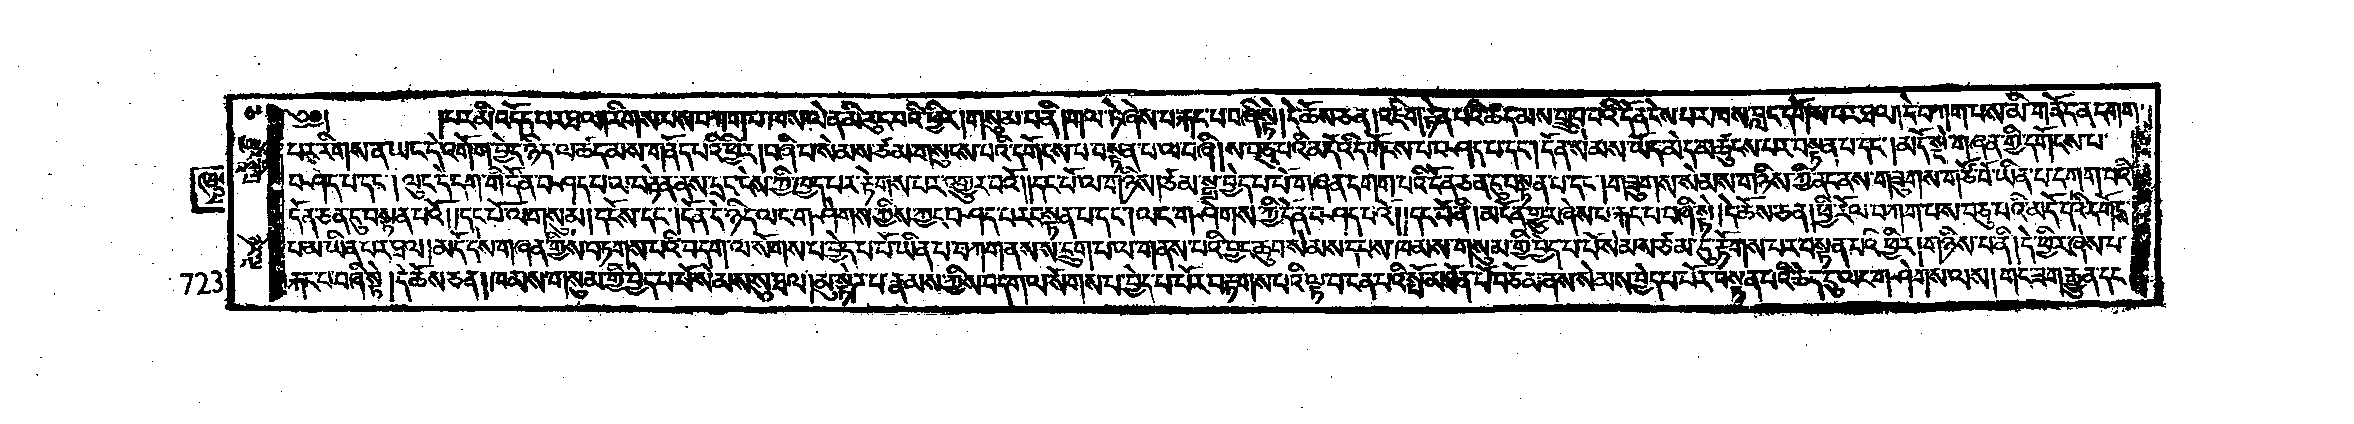༄༅། །པར་མི་འདོད་པར་ཐལ། རིགས་པས་བཀག་པ་ཁས་ལེན་མི་རུང་བའི་ཕྱིར། གསུམ་པ་ནི། གལ་ཏེ་ཞེས་པ་རྐང་པ་བཞི་སྟེ། དེ་ཆོས་ཅན། འཇིག་རྟེན་པའི་ཚད་མས་གྲུབ་པའི་དོན་ངེས་པར་ཁས་བླང་དགོས་པར་ཐལ། དེ་བཀག་པས་མི་གནོད་ན་དགག་
པར་རིགས་ན་ཡང་དེ་འགོག་བྱེད་ཉིད་ལ་ཚད་མས་གནོད་པའི་ཕྱིར། བཞི་པ་སེམས་ཙམ་གསུངས་པའི་དགོངས་པ་བསྟན་པ་ལ་བཞི། ས་བཅུ་པའི་མདོའི་དགོངས་པ་བཤད་པ་དང་། དོན་སེམས་ཡོད་མེད་མཚུངས་པར་བསྟན་པ་དང་། མདོ་སྡེ་གཞན་གྱི་དགོངས་པ་
བཤད་པ་དང་། ལུང་དེ་དག་གི་དོན་བཤད་པ་ལ་བརྟེན་ནས་དྲང་ངེས་ཀྱི་ཁྱད་པར་རྟོགས་པར་འགྱུར་བའོ། །དང་པོ་ལ་གཉིས། ཙམ་སྒྲ་བྱེད་པ་པོ་གཞན་དགག་པའི་དོན་ཅན་དུ་བསྟན་པ་དང་། གཟུགས་སེམས་གཉིས་ཀྱི་ནང་ནས་གཟུགས་གཙོ་བོ་ཡིན་པ་དགག་པའི་
དོན་ཅན་དུ་བསྟན་པའོ། །དང་པོ་ལ་གསུམ། དངོས་དང་། དོན་དེ་ཉིད་ལང་གཤེགས་ཀྱིས་ཀྱང་བཤད་པར་བསྟན་པ་དང་། ལང་གཤེགས་ཀྱི་དོན་བཤད་པའོ། །དང་པོ་ནི། མངོན་གྱུར་ཞེས་པ་རྐང་པ་བཞི་སྟེ། དེ་ཆོས་ཅན། ཕྱི་རོལ་བཀག་པ་ས་བཅུ་པའི་མདོ་དེའི་དགོངས་
པ་མ་ཡིན་པར་ཐལ། མདོ་དེས་གཞན་གྱིས་བཏགས་པའི་བདག་ལ་སོགས་པ་བྱེད་པ་པོ་ཡིན་པ་བཀག་ནས་ས་དྲུག་པ་ལ་གནས་པའི་བྱང་ཆུབ་སེམས་དཔས་ཁམས་གསུམ་གྱི་བྱེད་པ་པོ་སེམས་ཙམ་དུ་རྟོགས་པར་བསྟན་པའི་ཕྱིར། གཉིས་པ་ནི། དེ་ཕྱིར་ཞེས་པ་
རྐང་པ་བཞི་སྟེ། དེ་ཆོས་ཅན། ཁམས་གསུམ་གྱི་བྱེད་པ་པོ་སེམས་སུ་ཐལ། མུ་སྟེགས་པ་རྣམས་ཀྱིས་བདག་ལ་སོགས་པ་བྱེད་པ་པོར་བརྟགས་པའི་ལྟ་བ་ངན་པའི་སྤོ་མཐོན་པོ་བཅོམ་ནས་སེམས་བྱེད་པ་པོར་བསྟན་པའི་ཆེད་དུ་ལང་གཤེགས་ལས། གང་ཟག་རྒྱུན་དང་